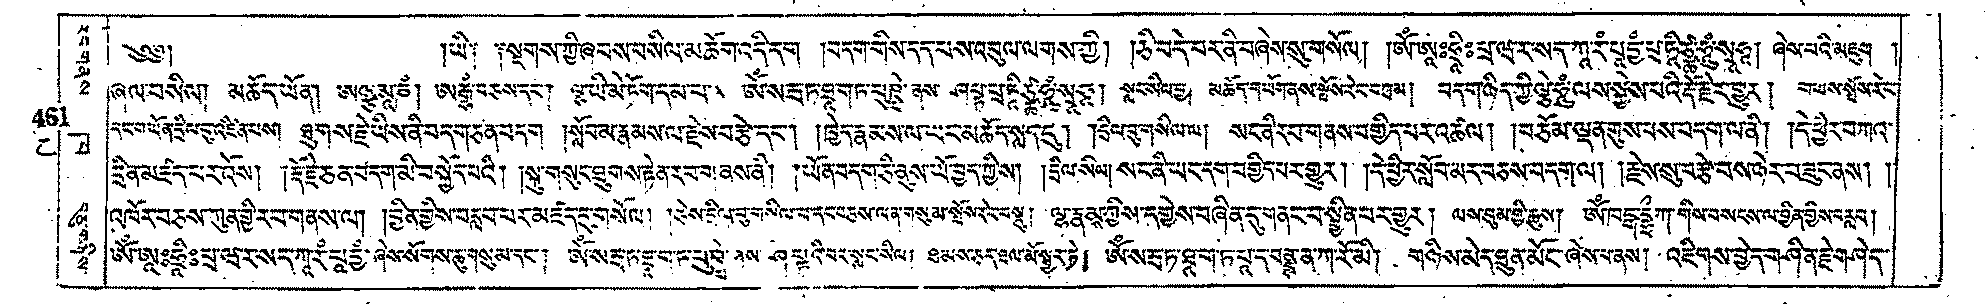༄༅། །ཡི༑ ༑སྔགས་ཀྱི་ཞབས་བསིལ་མཆོག་འདི་དག །བདག་གིས་དད་པས་འབུལ་ལགས་ཀྱི། །ཅི་བདེ་བར་ནི་བཞེས་སུ་གསོལ། །ཨོཾ་ཨཱཿཧྲཱིཿཔྲ་ཝ་ར་སད་ཀཱ་རཾ་པཱདྱཾ་པྲ་ཏཱིཙྪ་ཧཱུཾ་སྭཱཧཱ། ཞེས་པའི་མཇུག །
ཞལ་བསིལ། མཆོད་ཡོན། ཨཉྩ་མཱ་ཎཾ། ཨརྒྷཾ་བཅས་དང་།  ལྷ་ཡི་མེ་ཏོག་དམ་པ་྾་ཨོཾ་སརྦ་ཏ་ཐཱ་ག་ཏ་པུཥྤེ་ནས་ཤཔྟ་པྲ་ཏཱིཙྪ་ཧཱུཾ་སྭཱཧཱ། སླང་སིལ་བྱ། མཆོད་གཡོག་ནས་སྤོས་རེང་བཀྲམ།  བདག་ཉིད་ཀྱི་ལྕེ་ཧཱུཾ་ལས་སྐྱེས་པའི་རྡོ་རྗེར་གྱུར། གཡས་སྤོས་རེང་
དང་གཡོན་དྲིལ་བུ་འཛིན་པས། ཐུགས་རྗེ་ཡིས་ནི་བདག་ཅན་བདག །སློབ་མ་རྣམས་ལ་རྗེས་བརྩེ་དང་། །ཁྱེད་རྣམས་ལ་ཡང་མཆོད་སླད་དུ། །དྲིལ་བུ་གསིལ་ལ།  སང་ནི་རབ་གནས་བགྱིད་པར་འཚལ། །བཅོམ་ལྡན་གུས་པས་བདག་ལ་ནི། །དེ་ཕྱིར་བཀའ་
དྲིན་མཛད་པར་འོས། །རྡོ་རྗེ་ཅན་བདག་མི་བསྐྱོད་པའི། །སྐུ་གསུང་ཐུགས་རྟེན་རབ་གནས་ནི། །ཡོན་བདག་ཅི་ནུས་ཡོ་བྱད་ཀྱིས། །དྲིལ་སིལ།  སང་ནི་ཡང་དག་བགྱིད་པར་གྱུར། །དེ་ཕྱིར་སློབ་མར་བཅས་བདག་ལ། །རྗེས་སུ་བརྩེ་བས་ཉེར་བཟུང་ནས། །
འཁོར་བཅས་ཀུན་གྱི་རབ་གནས་ལ། །བྱིན་གྱིས་བརླབ་པར་མཛད་དུ་གསོལ། །ཅེས་དྲིལ་བུ་གསིལ་བ་དང་བཅས་ལན་གསུམ་སྤོས་རེང་བསྡུ།  ལྷ་རྣམས་ཀྱིས་དགྱེས་བཞིན་དུ་གནང་བ་སྦྱིན་པར་གྱུར། ལས་བུམ་གྱི་ཆུས།  ཨོཾ་ཁངྒ་དྷྲྀ་ཀ་གིས་བསངས་ལ་བྱིན་གྱིས་བརླབ།
ཨོཾ་ཨཱཿཧྲཱིཿཔྲ་ཝ་ར་སད་ཀཱ་རཾ་པཱདྱཾ་ཞེས་སོགས་ཆུ་གསུམ་དང་།  ཨོཾ་སརྦ་ཏ་ཐཱ་ག་ཏ་པུཥྤེ་ནས་ཤཔྟའི་བར་སླང་སིལ། ཐམས་ཅད་ཐལ་མོ་སྦྱར་ཏེ།  ཨོཾ་སརྦ་ཏ་ཐཱ་ག་ཏ་པཱ་ད་བནྡྷ་ན་ཀ་རོ་མི། གཉིས་མེད་ཐུན་མོང་ཞེས་པ་ནས།  འཇིགས་བྱེད་གཤིན་རྗེ་གཤེད་